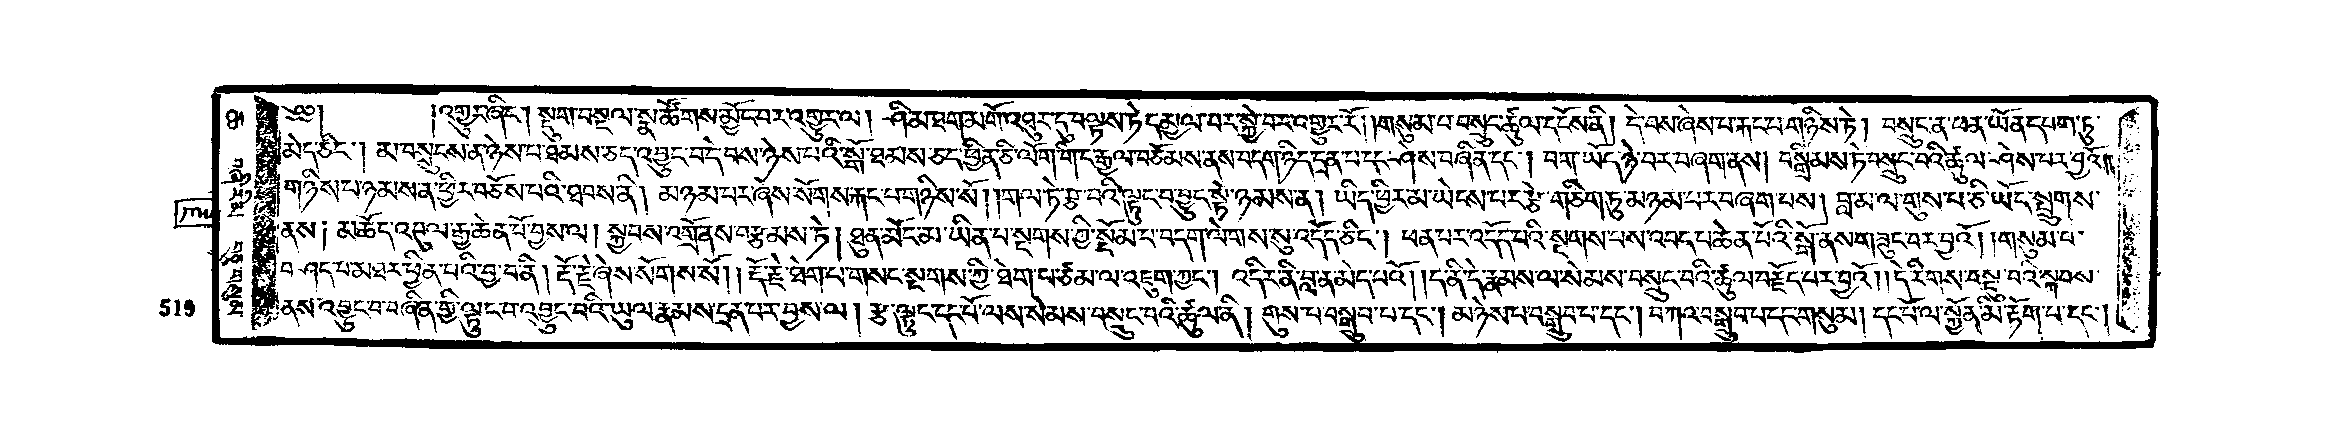༄༅། །འགྱུར་ཞིང་། སྡུག་བསྔལ་སྣ་ཚོགས་མྱོང་བར་འགྱུར་ལ། ཤི་མ་ཐག་མགོ་འཐུར་དུ་བལྟས་ཏེ་དམྱལ་བར་སྐྱེ་བར་འགྱུར་རོ། །གསུམ་པ་བསྲུང་ཚུལ་དངོས་ནི། དེ་བས་ཞེས་པ་རྐང་པ་གཉིས་ཏེ། བསྲུང་ན་ཕན་ཡོན་དཔག་ཏུ་
མེད་ཅིང་། མ་བསྲུངས་ན་ཉེས་པ་ཐམས་ཅད་འབྱུང་བ་དེ་བས་ཉེས་པའི་སྒོ་ཐམས་ཅད་ཕྱིན་ཅི་ལོག་གི་ང་རྒྱལ་བཅོམས་ནས་བདག་ཉིད་དྲན་པ་དང་ཤེས་བཞིན་དང་། བག་ཡོད་ཉེ་བར་བཞག་ནས། བསྒྲིམས་ཏེ་བསྲུང་བའི་ཚུལ་ཤེས་པར་བྱའོ།།
གཉིས་པ་ཉམས་ན་ཕྱིར་བཅོས་པའི་ཐབས་ནི། མཉམ་པར་ཞེས་སོགས་རྐང་པ་གཉིས་སོ། །གལ་ཏེ་རྩ་བའི་ལྟུང་བ་བྱུང་སྟེ་ཉམས་ན། ཡིད་ཕྱིར་མ་ཡེངས་པར་རྩེ་གཅིག་ཏུ་མཉམ་པར་བཞག་པས། བླ་མ་ལ་གུས་པ་ཅི་ཡོད་སྒྲུགས་?
ནས། མཆོད་འབུལ་རྒྱ་ཆེན་པོ་བྱས་ལ། སྐྱབས་འགྲོ་ནས་བརྩམས་ཏེ། ཐུན་མོང་མ་ཡིན་པ་སྔགས་ཀྱི་སྡོམ་པ་བདག་ལེགས་སུ་འདོད་ཅིང་། ཕན་པར་འདོད་པའི་སྔགས་པས་འབད་པ་ཆེན་པོའི་སྒོ་ནས་གཟུང་བར་བྱའོ། །གསུམ་པ་
བཤད་པ་མཐར་ཕྱིན་པའི་བྱ་བ་ནི། རྡོ་རྗེ་ཞེས་སོགས་སོ། །རྡོ་རྗེ་ཐེག་པ་གསང་སྔགས་ཀྱི་ཐེག་པ་ཙམ་ལ་འཇུག་ཀྱང་། འདིར་ནི་བླ་ན་མེད་པའོ། །ད་ནི་དེ་རྣམས་ལ་སེམས་བསྲུང་བའི་ཚུལ་བརྗོད་པར་བྱའོ། །དེ་རིགས་བསྡུ་བའི་སྐབས་
ནས་འབྱུང་བ་བཞིན་གྱི་ལྟུང་བ་འབྱུང་བའི་ཡུལ་རྣམས་དྲན་པར་བྱས་ལ། རྩ་ལྟུང་དང་པོ་ལས་སེམས་བསྲུང་བའི་ཚུལ་ནི། གུས་པ་བསྒྲུབ་པ་དང་། མཉེས་པ་བསྒྲུབ་པ་དང་། བཀའ་བསྒྲུབ་པ་དང་གསུམ། དང་པོ་ལ་སྐྱོན་མི་རྟོག་པ་དང་།